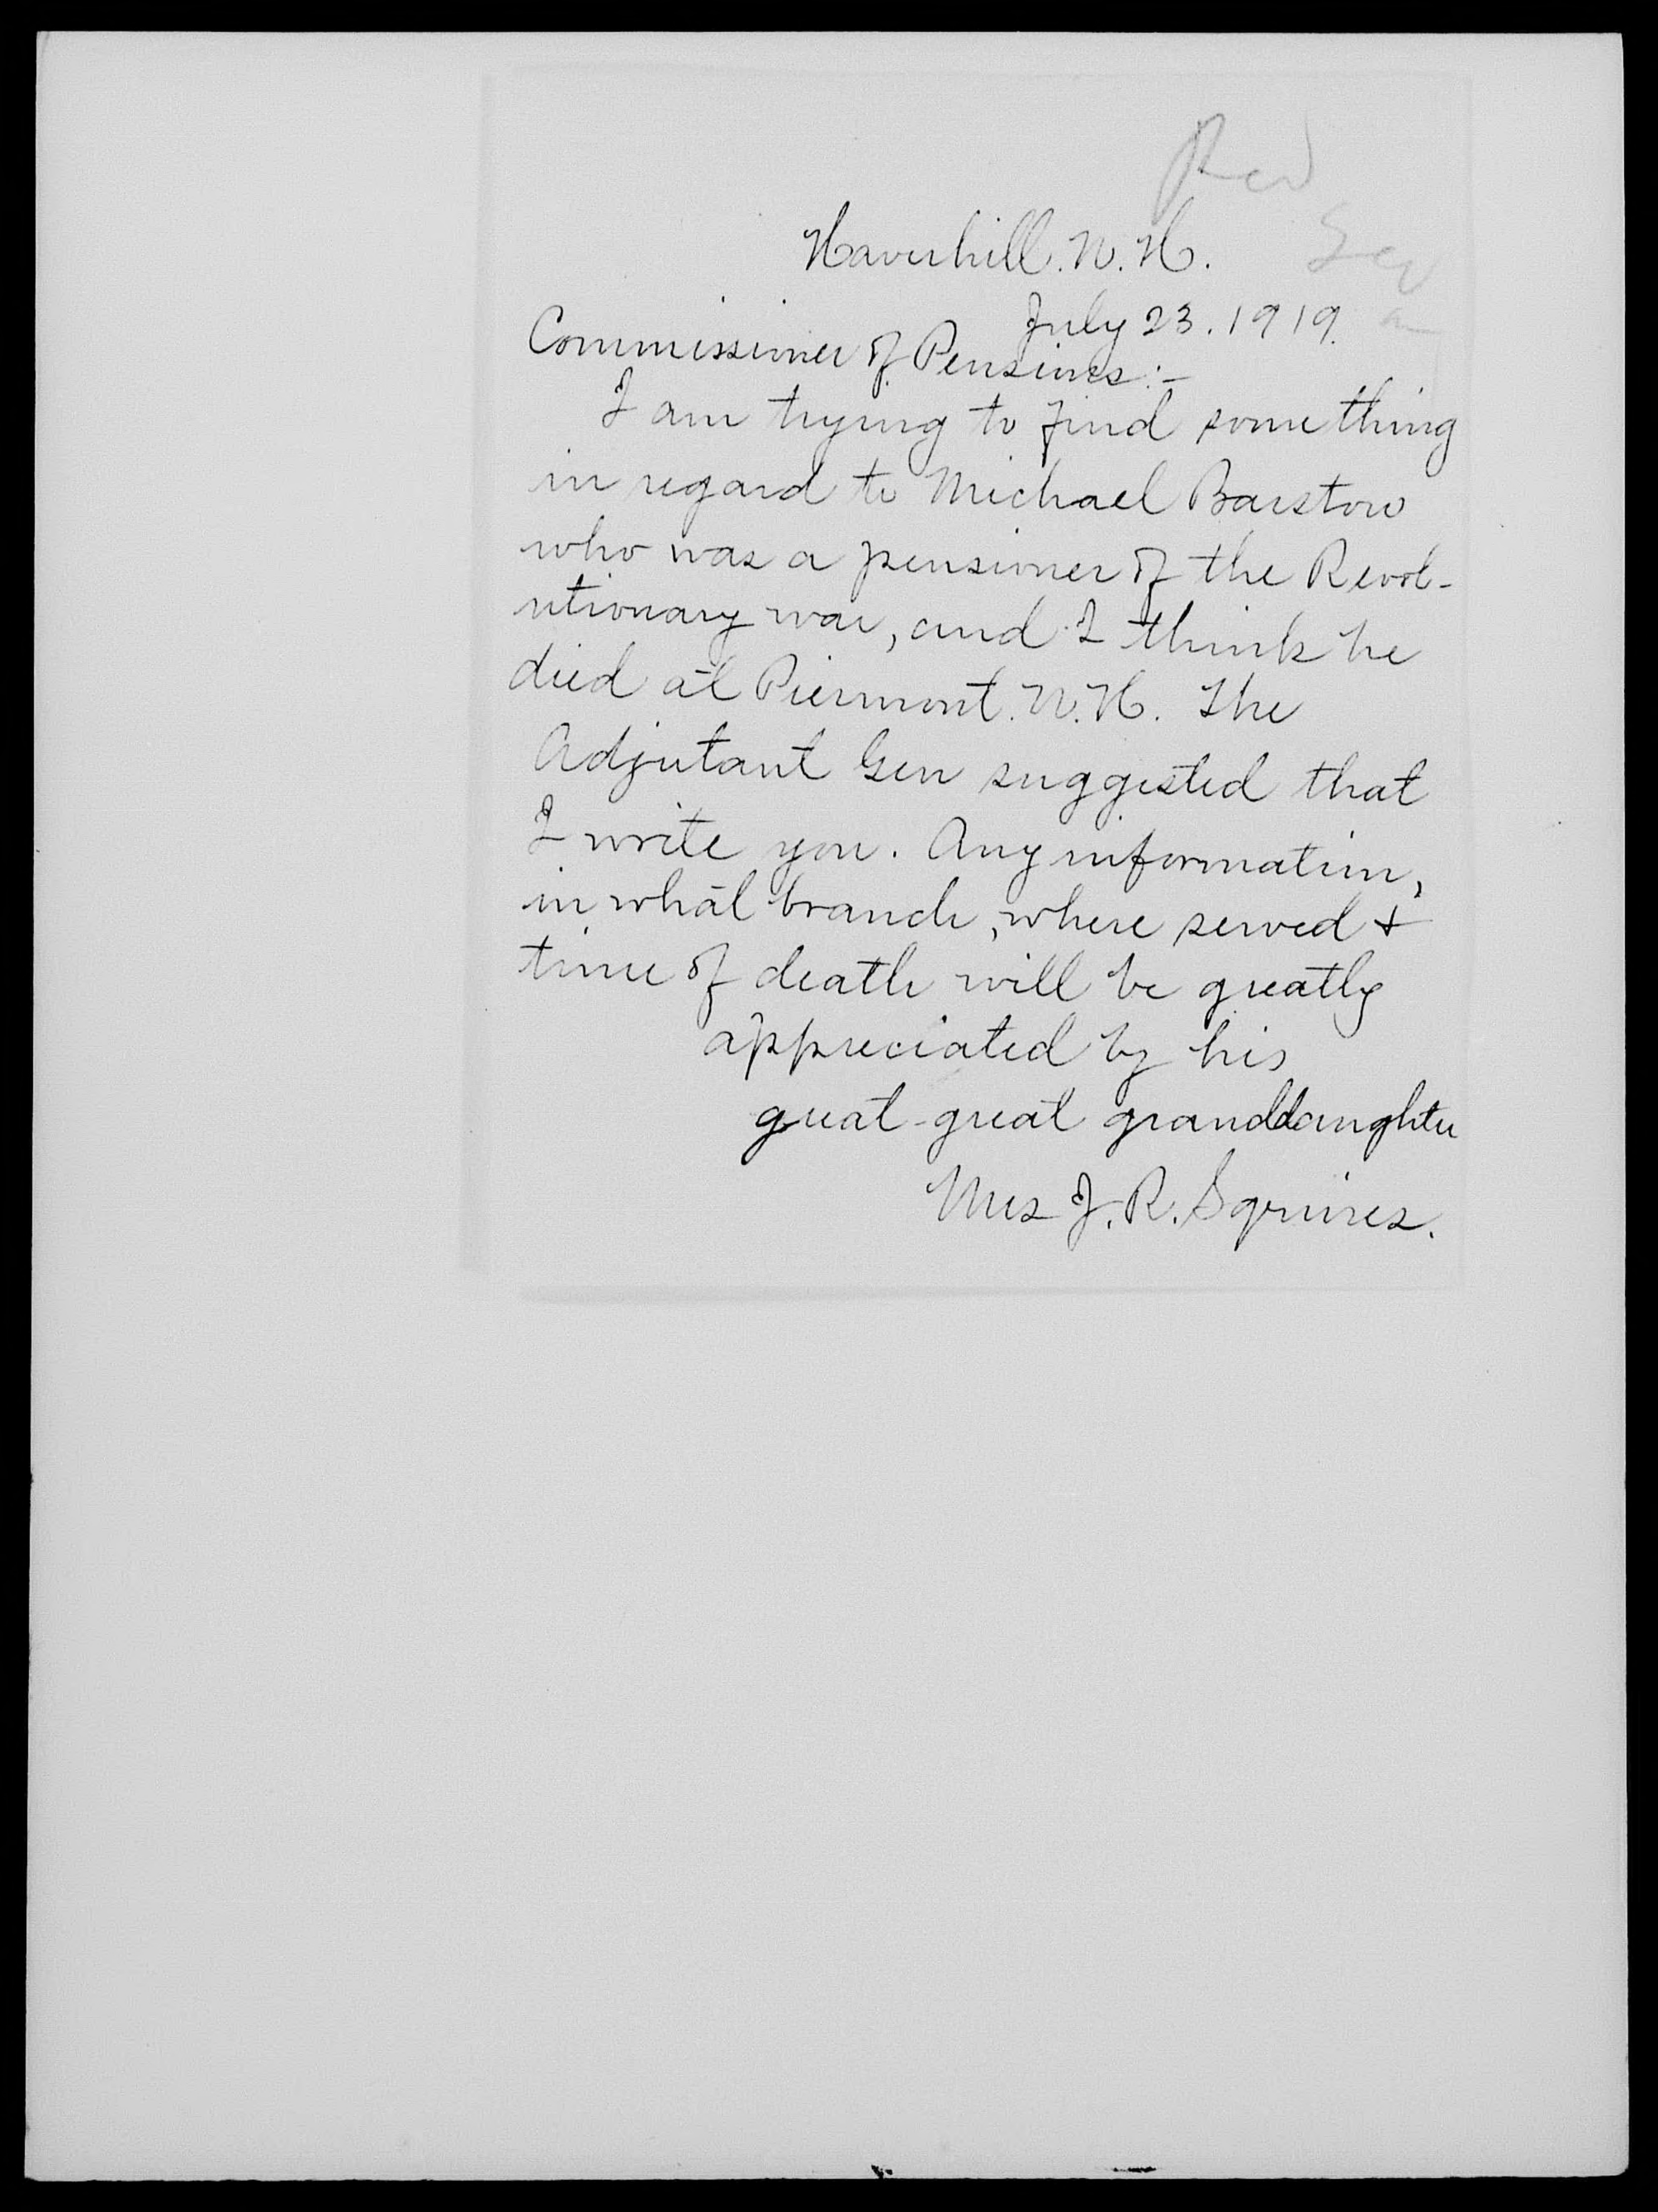Haverhill N H
July 23 1919

Commissioner of Pensions,
I am trying to find something in regard to Michael Barstow who was a pensioner of the Revolutionry War and I think he died at Piermoont N H.  The Adjutant Gen. suggested that I write to you. Any information, in what branch, where served and time of death will be greatly appreciated by his great great granddaughter.
Mrs. J R Squires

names: Michael Barstow, J R Squires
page: 22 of 22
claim: survivor's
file: S. 45,519, Michael Barstow, Conn.